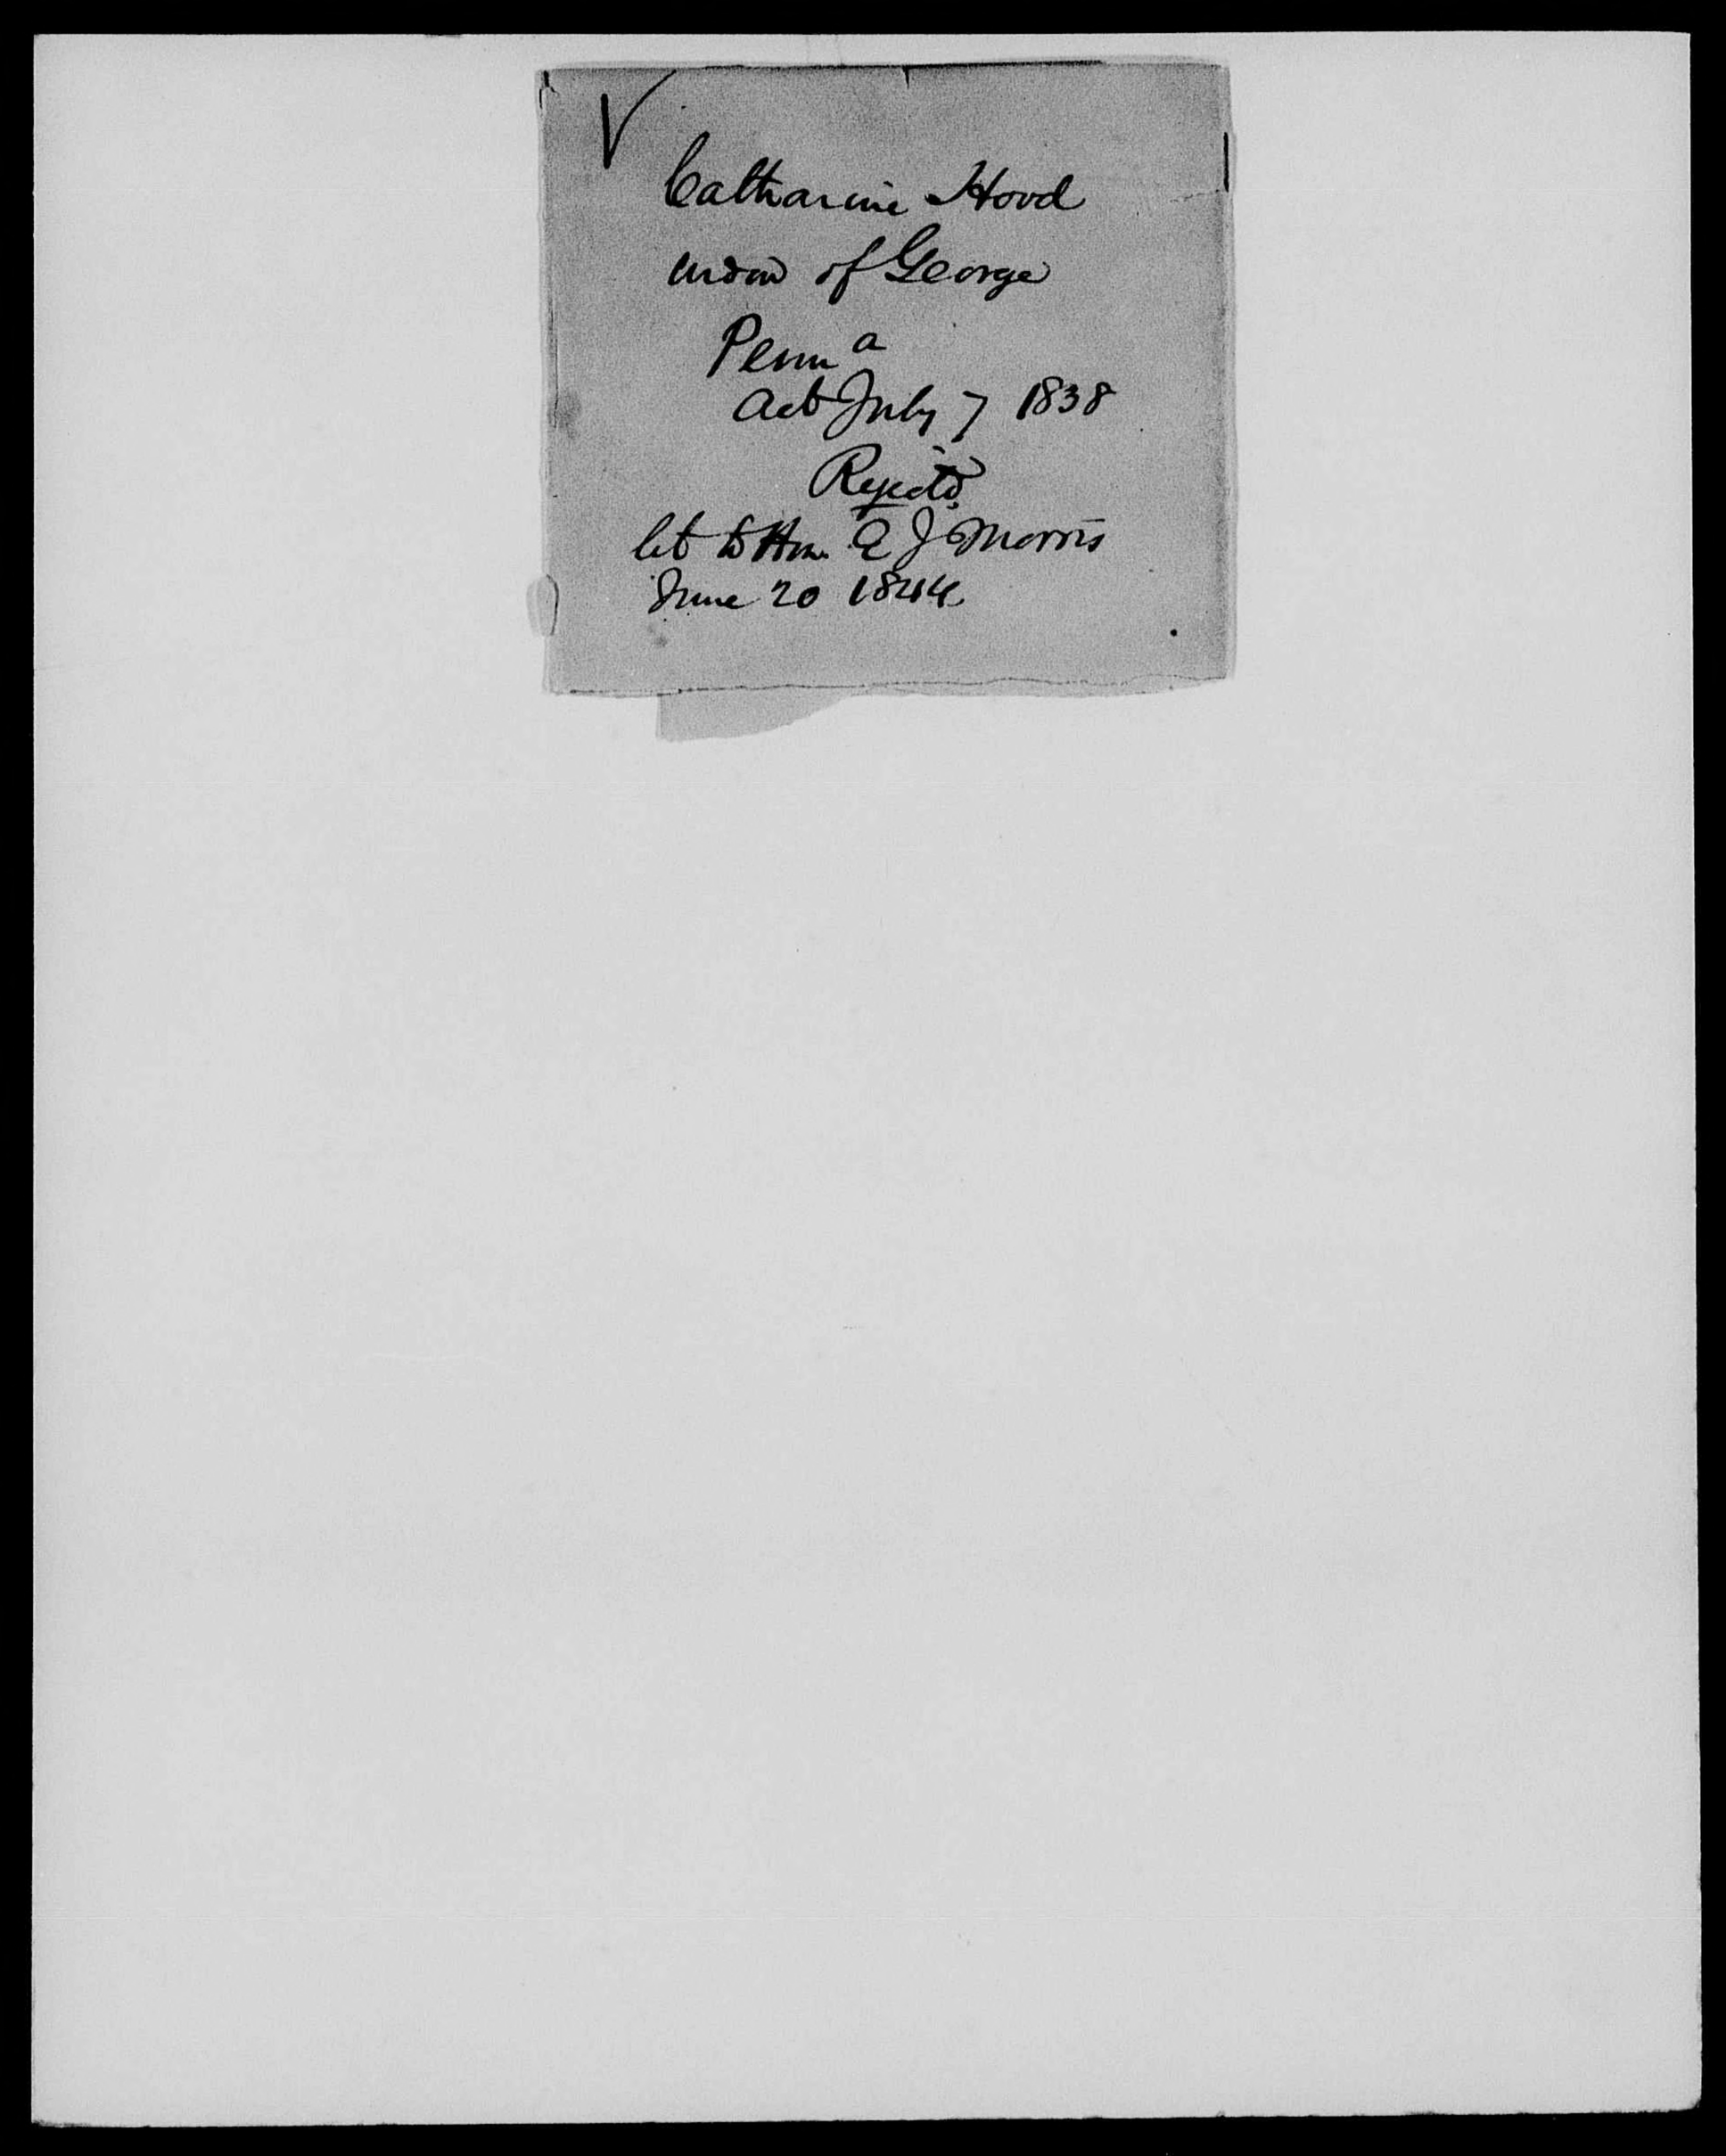Catharine Hood
Widow of Geroge
Pennsylvania Act July 7, 1838
Rejected
Letter to Honorable E. J. Morris
June 20 1846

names: Catharine Hood, E J Morris, George Hood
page: 14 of 51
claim: widow's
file: W 8939, George Hood, Continental Va.